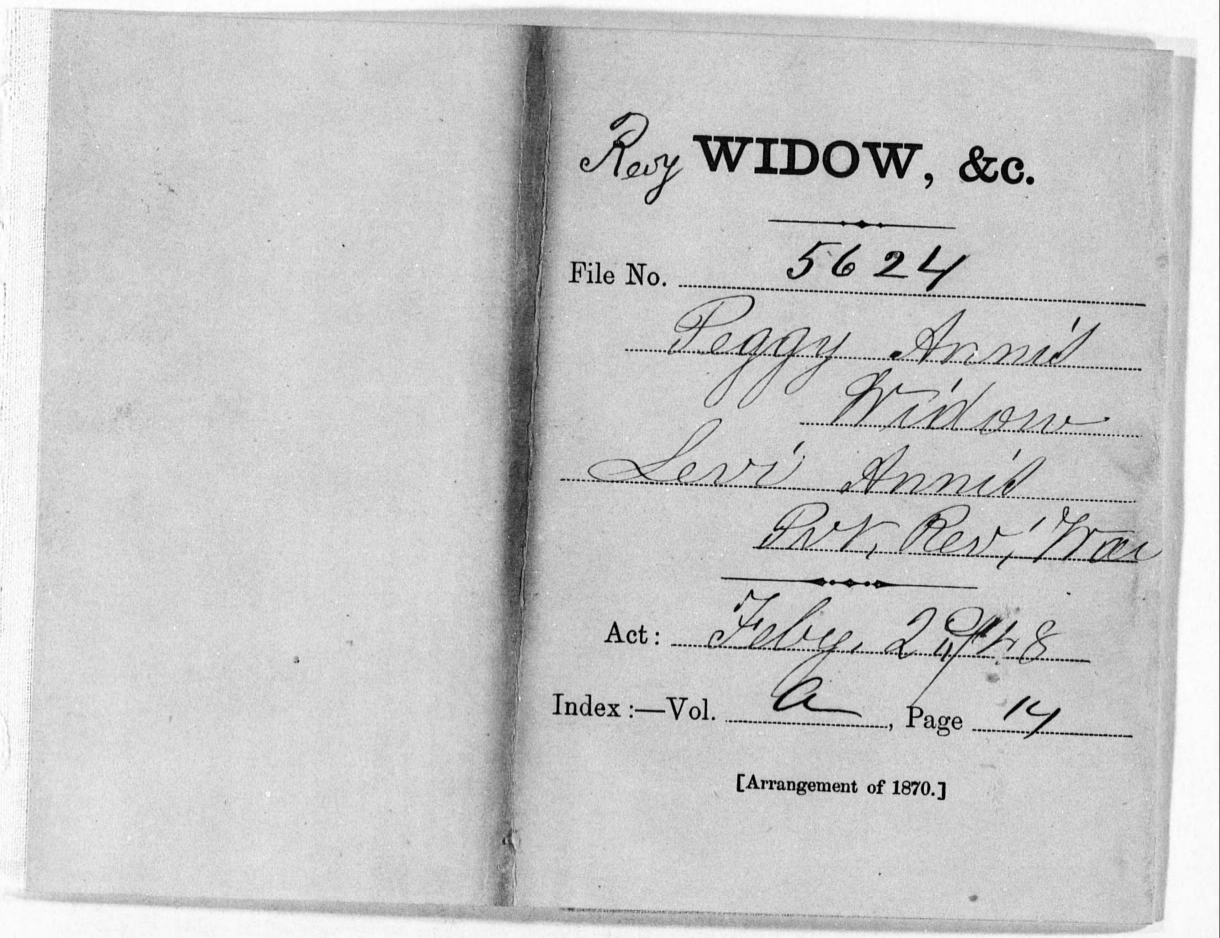Revy WIDOW, &c.

File No. 5624
Peggy Annis
Widow
Levi Annis
Pvt. Rev: War

Act: Feby, 2"/48
Index:-Vol. A, Page 14
[Arrangement of 1870.]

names: Levi Annis, Peggy Annis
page: 12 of 27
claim: widow's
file: W 5624, Levi Annis, Va. Va. Sea Service